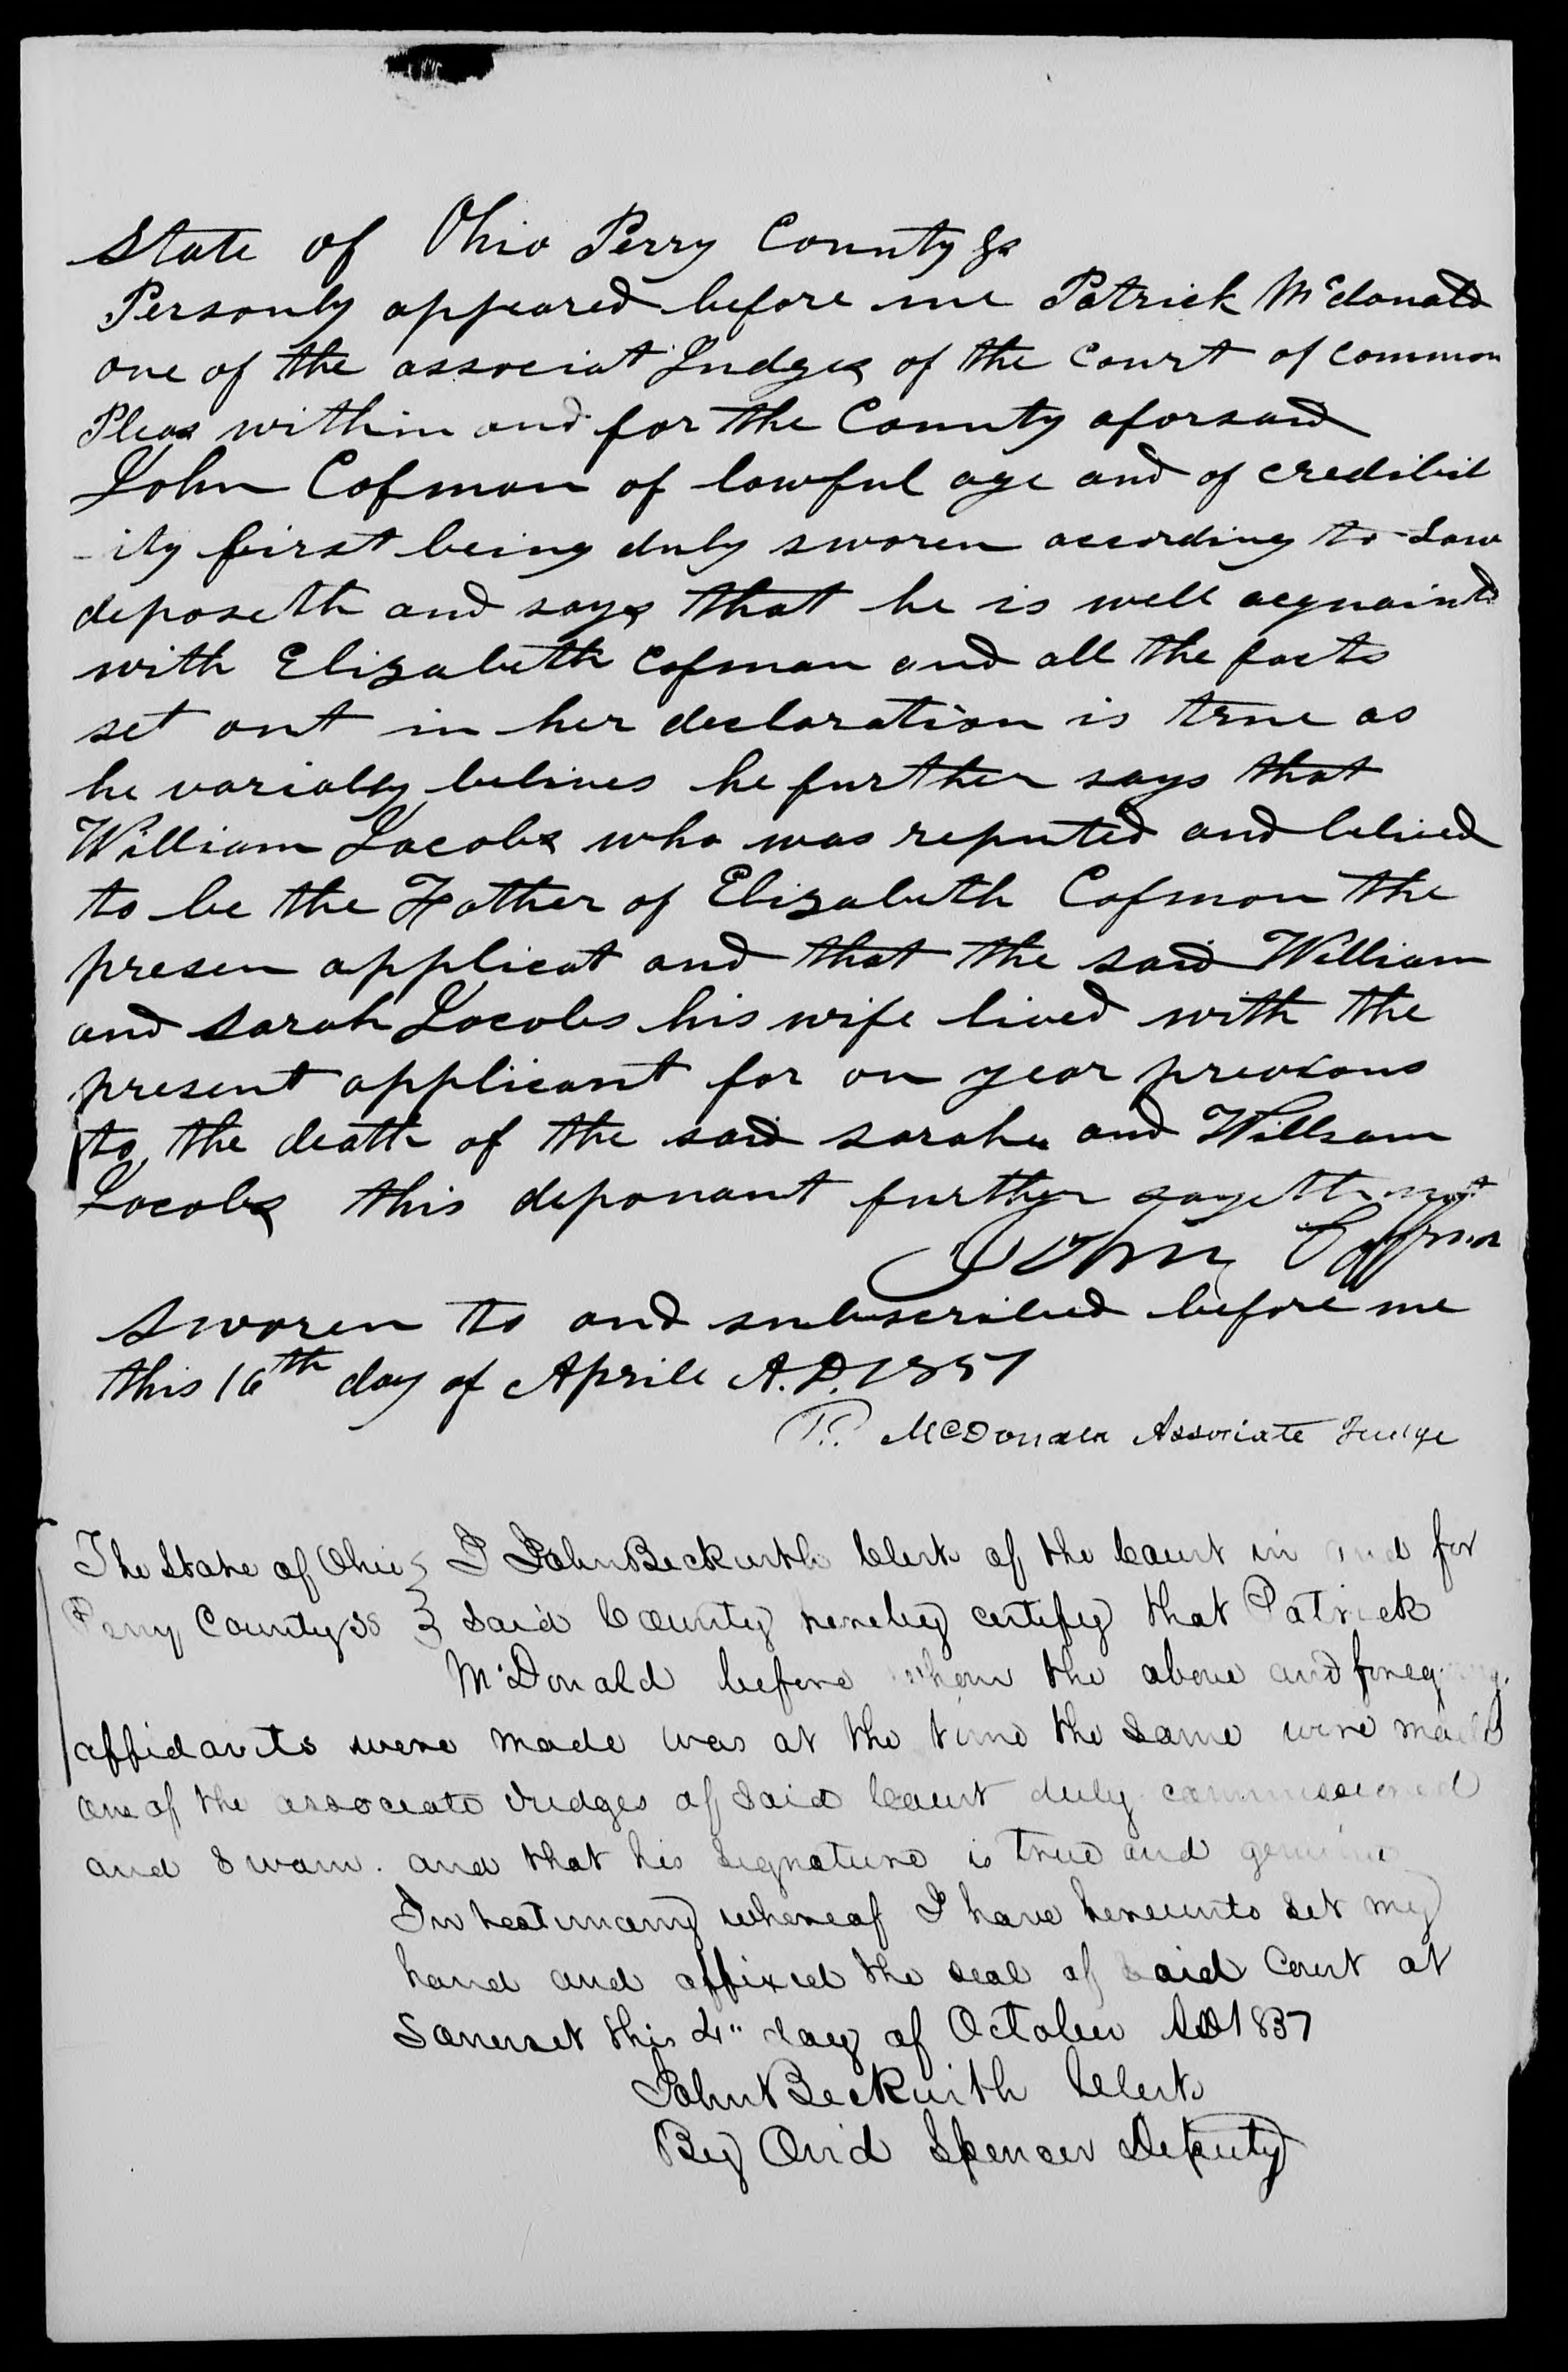State of Ohio Perry County ss 
Personly [personally] appeared before me Patrick McDonald 
one of the associat[e] Judges of the Court of Common 
Pleas within and for the County aforsaid 
John Cofman of lawful age and of credibility 
first being duly sworn according to Law 
deposeth and says that he is well acquaind [acquainted] 
with Elizabeth Cofman and all the facts 
set out in her declaration is true as 
he varially [verily] belives [believes] he further says that 
William Jacobs who was reputed and belied [believed]
to be the Father of Elizabeth Cofman the 
present applicant and that the said William 
and Sarah Jacobs his wife lived with the 
present applicant for on [one] year previous 
to the death of the said Sarah and William Jacobs this deponent further sayeth [says] not 
John Coffman
Sworn to and subscribed before me 
this 16th day of April A.D. 1851 
P McDonald Associate Judge 

The State of Ohio 
Perry County ss⎬
I John Beckwith Clerk of the Court in and for 
Said County hereby certify that Patrick McDonald before whom the above and foregoing 
affidants were made was at the time the same were made 
one of the associate Judges of Said Court duly commissioned 
and Sworn and that his signature is true and genuine 
In testimony whereof I have hereunto set my hand and affixed the seal of said Court at Somerset this 2" day of October AD 1837 
John Beckwith Clerk 
By [?] Spencer Deputy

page: 21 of 23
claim: survivor's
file: S. 2289, for William Jacobs, Maryland